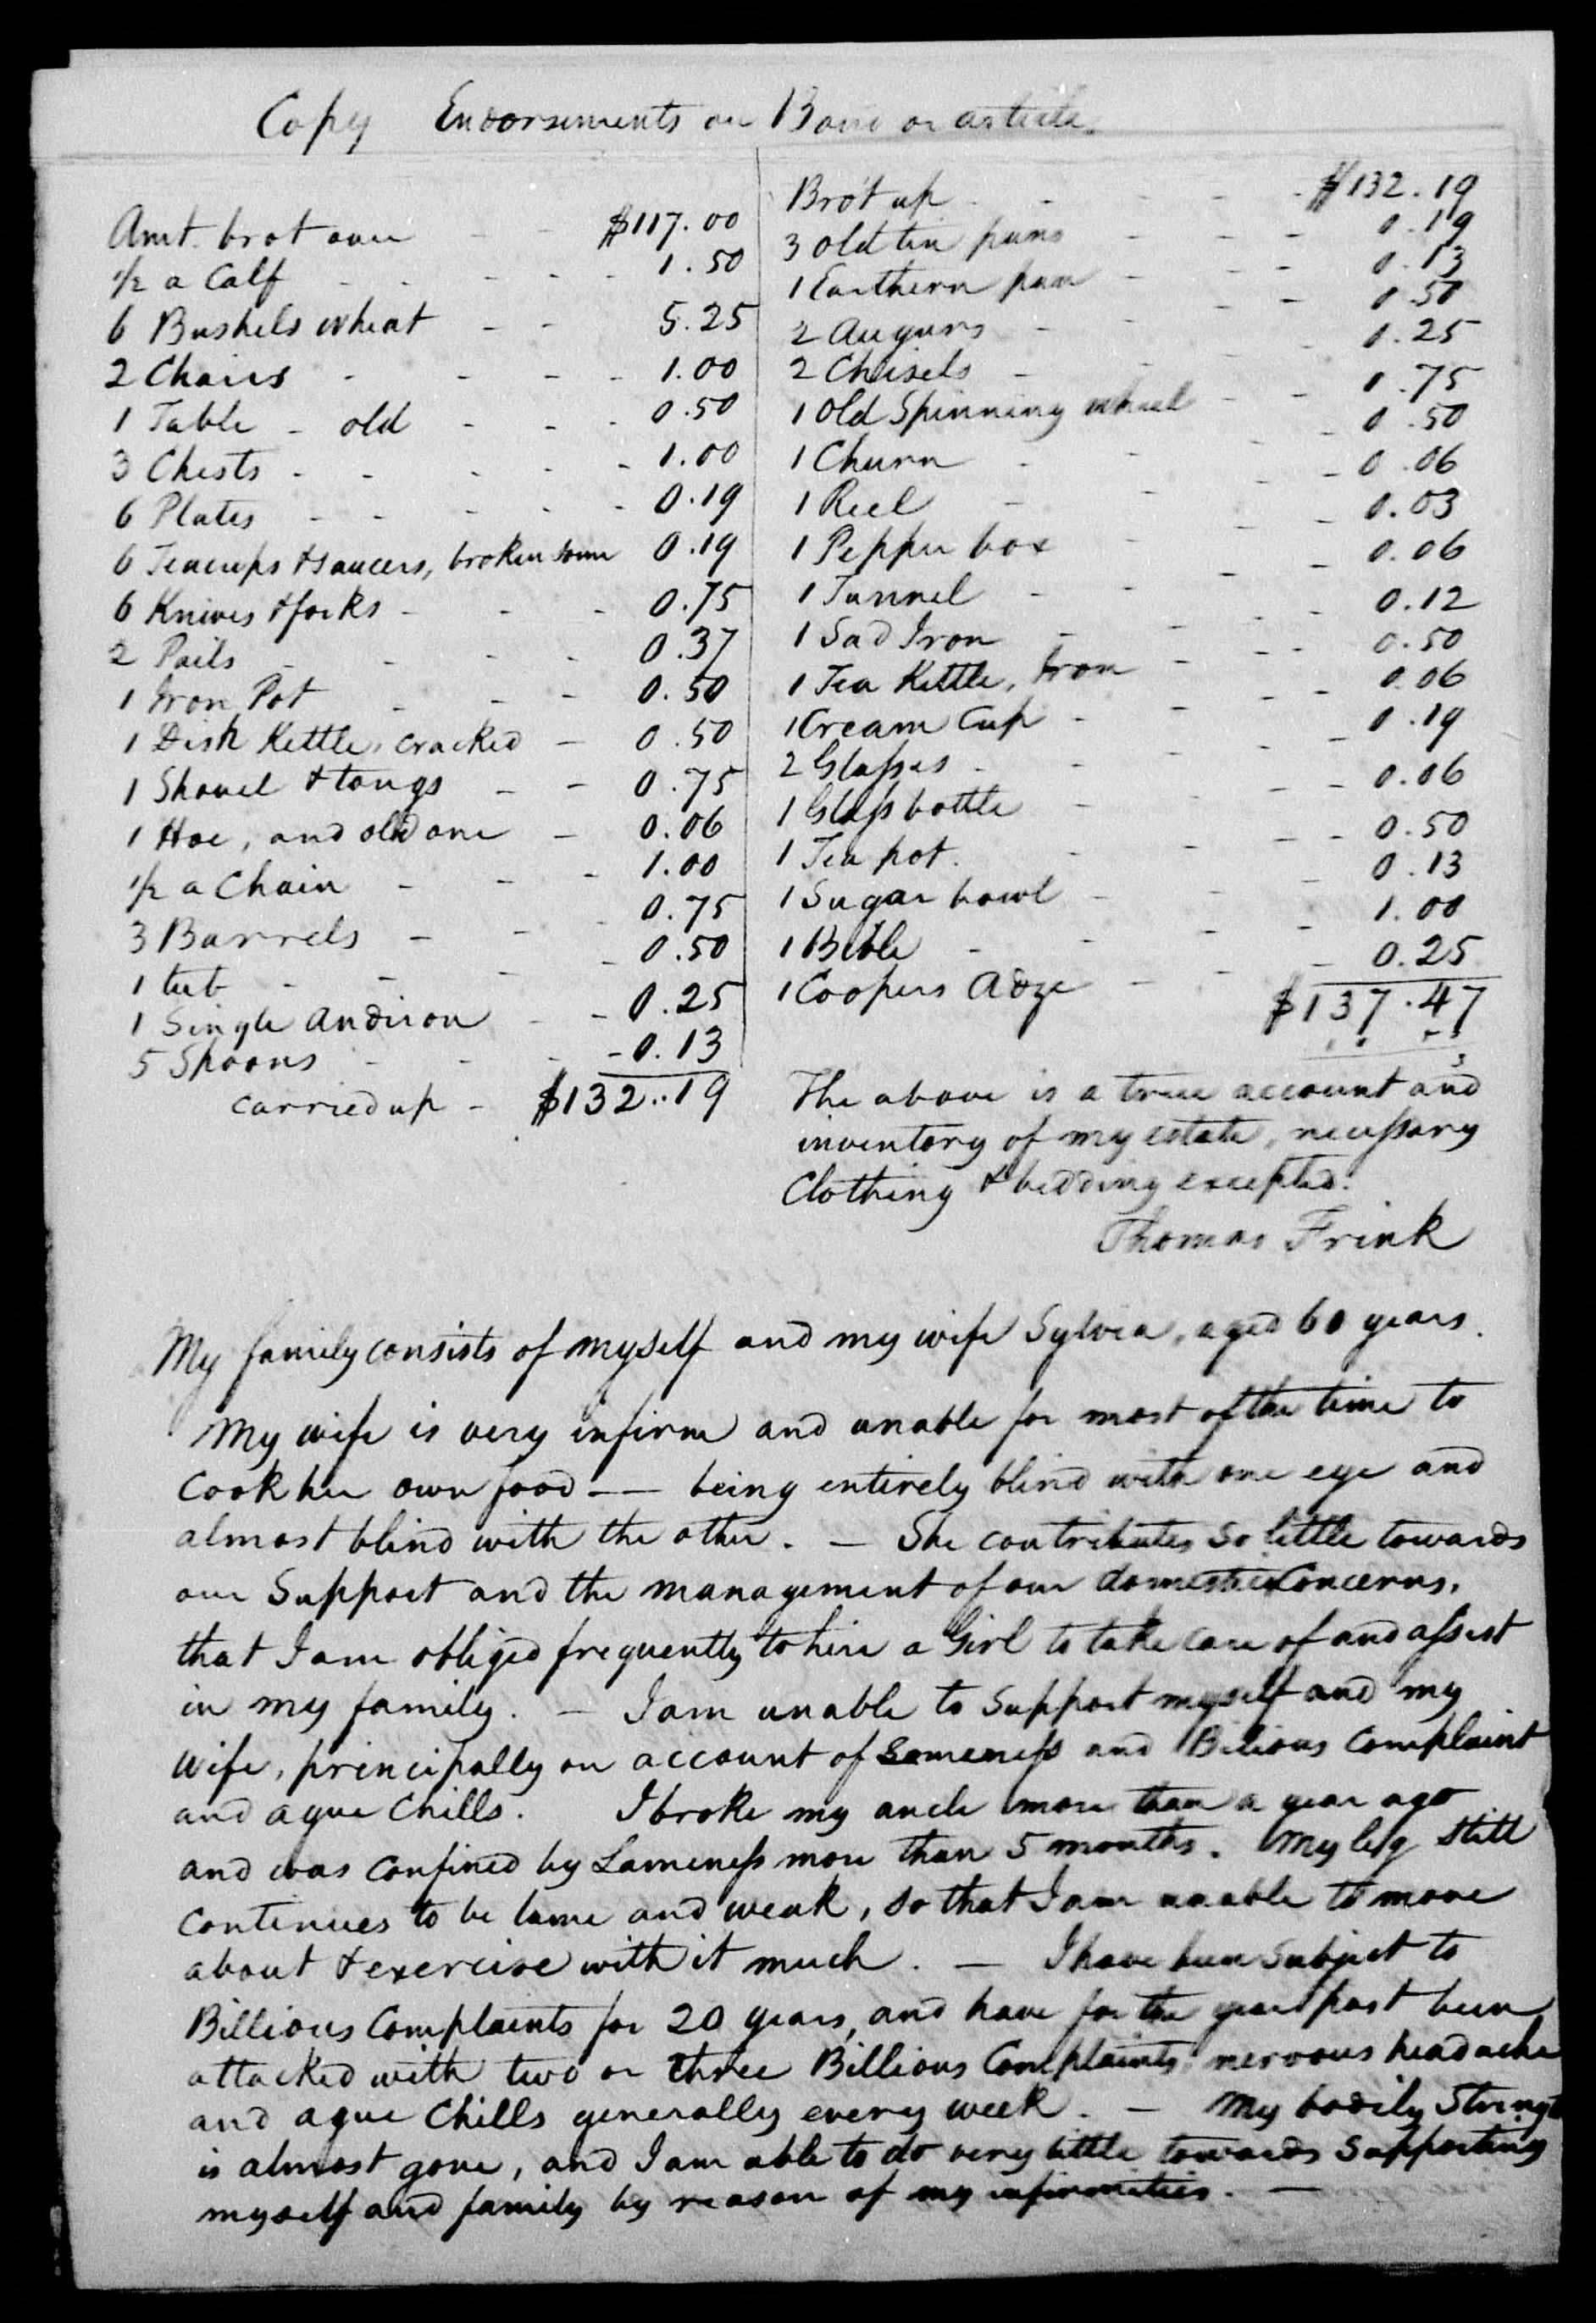Copy  Endorsements on above or article
                                            Bro't up     $132.19
Amt bro't over    $117.00   3 old tin pans   0.19
1/2 a Calf                  1.50   1 Earthen pan   0.13
6 bushels wheat        5.25   2 augers           0.50
2 chairs                      1.00   2 chisels           0.25
1 table old                 0.50   1 old spin whl  1.75
3 chests                     1.00    1 churn            0.50
6 plates                      0.19   1 reel               0.06
6 cups saucers          0.19    1 ppr box       0.03
6 knives forks           0.75    1 funnel         0.06
2 pails                      0.37     1 sa iron        0.12
1 iron pot                0.50      1 tea kettle    0.50
1 kettle cracked      0.50      1 cream cup   0.06
1 shovel tongs         0.75     2 glasses        0.19
 1 hoe old                0.06     1 gls bottle     0.06
1/2 chain                 1.00      1 tea pot        0.50
3 barrels                   0.75     1 sugar bowl  0.13
1 tub                        0.50      1 Bible           1.00
1 andiron                  0.25     1 Coopers      0.25
5 spoons                  0.13                      $137. 47
   carried up         $132.19
The above is a true account and inventory of my estate, necessary clothing & bedding excepted.
Thomas Frink

My family consists of myself and my wife Sylvia, aged 60 years.  My wife is very infirm and unable for most of the time to cook her own food - - being entirely blind with one eye and almost blind with the other. - She contributes so little towards our support and the management of our domestic concerns, that I am obliged frequently to hire a girl to take care of and assist in my family. - I am unable to support myself and my wife, principally on account of lameness and Bilious complaint and ague chills.  I broke my ankle more than a year ago and was confined by Lameness more than 5 months.  My leg still continues to be lame and weak, so that I am unable to move about & exercise much. - I have been subject to Billious Complaints for 20 years, and have for the year past been attacked with two or three Billious Complaints, nervous head ache and ague chills generally every week. - My bodily strength is allmost gone, and I am able to do very little towards supporting myself and family by reason of my infirmities.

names: Thomas Frink, Sylvia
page: 6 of 33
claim: survivor's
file: S 43571, Thomas Frink, Mass.